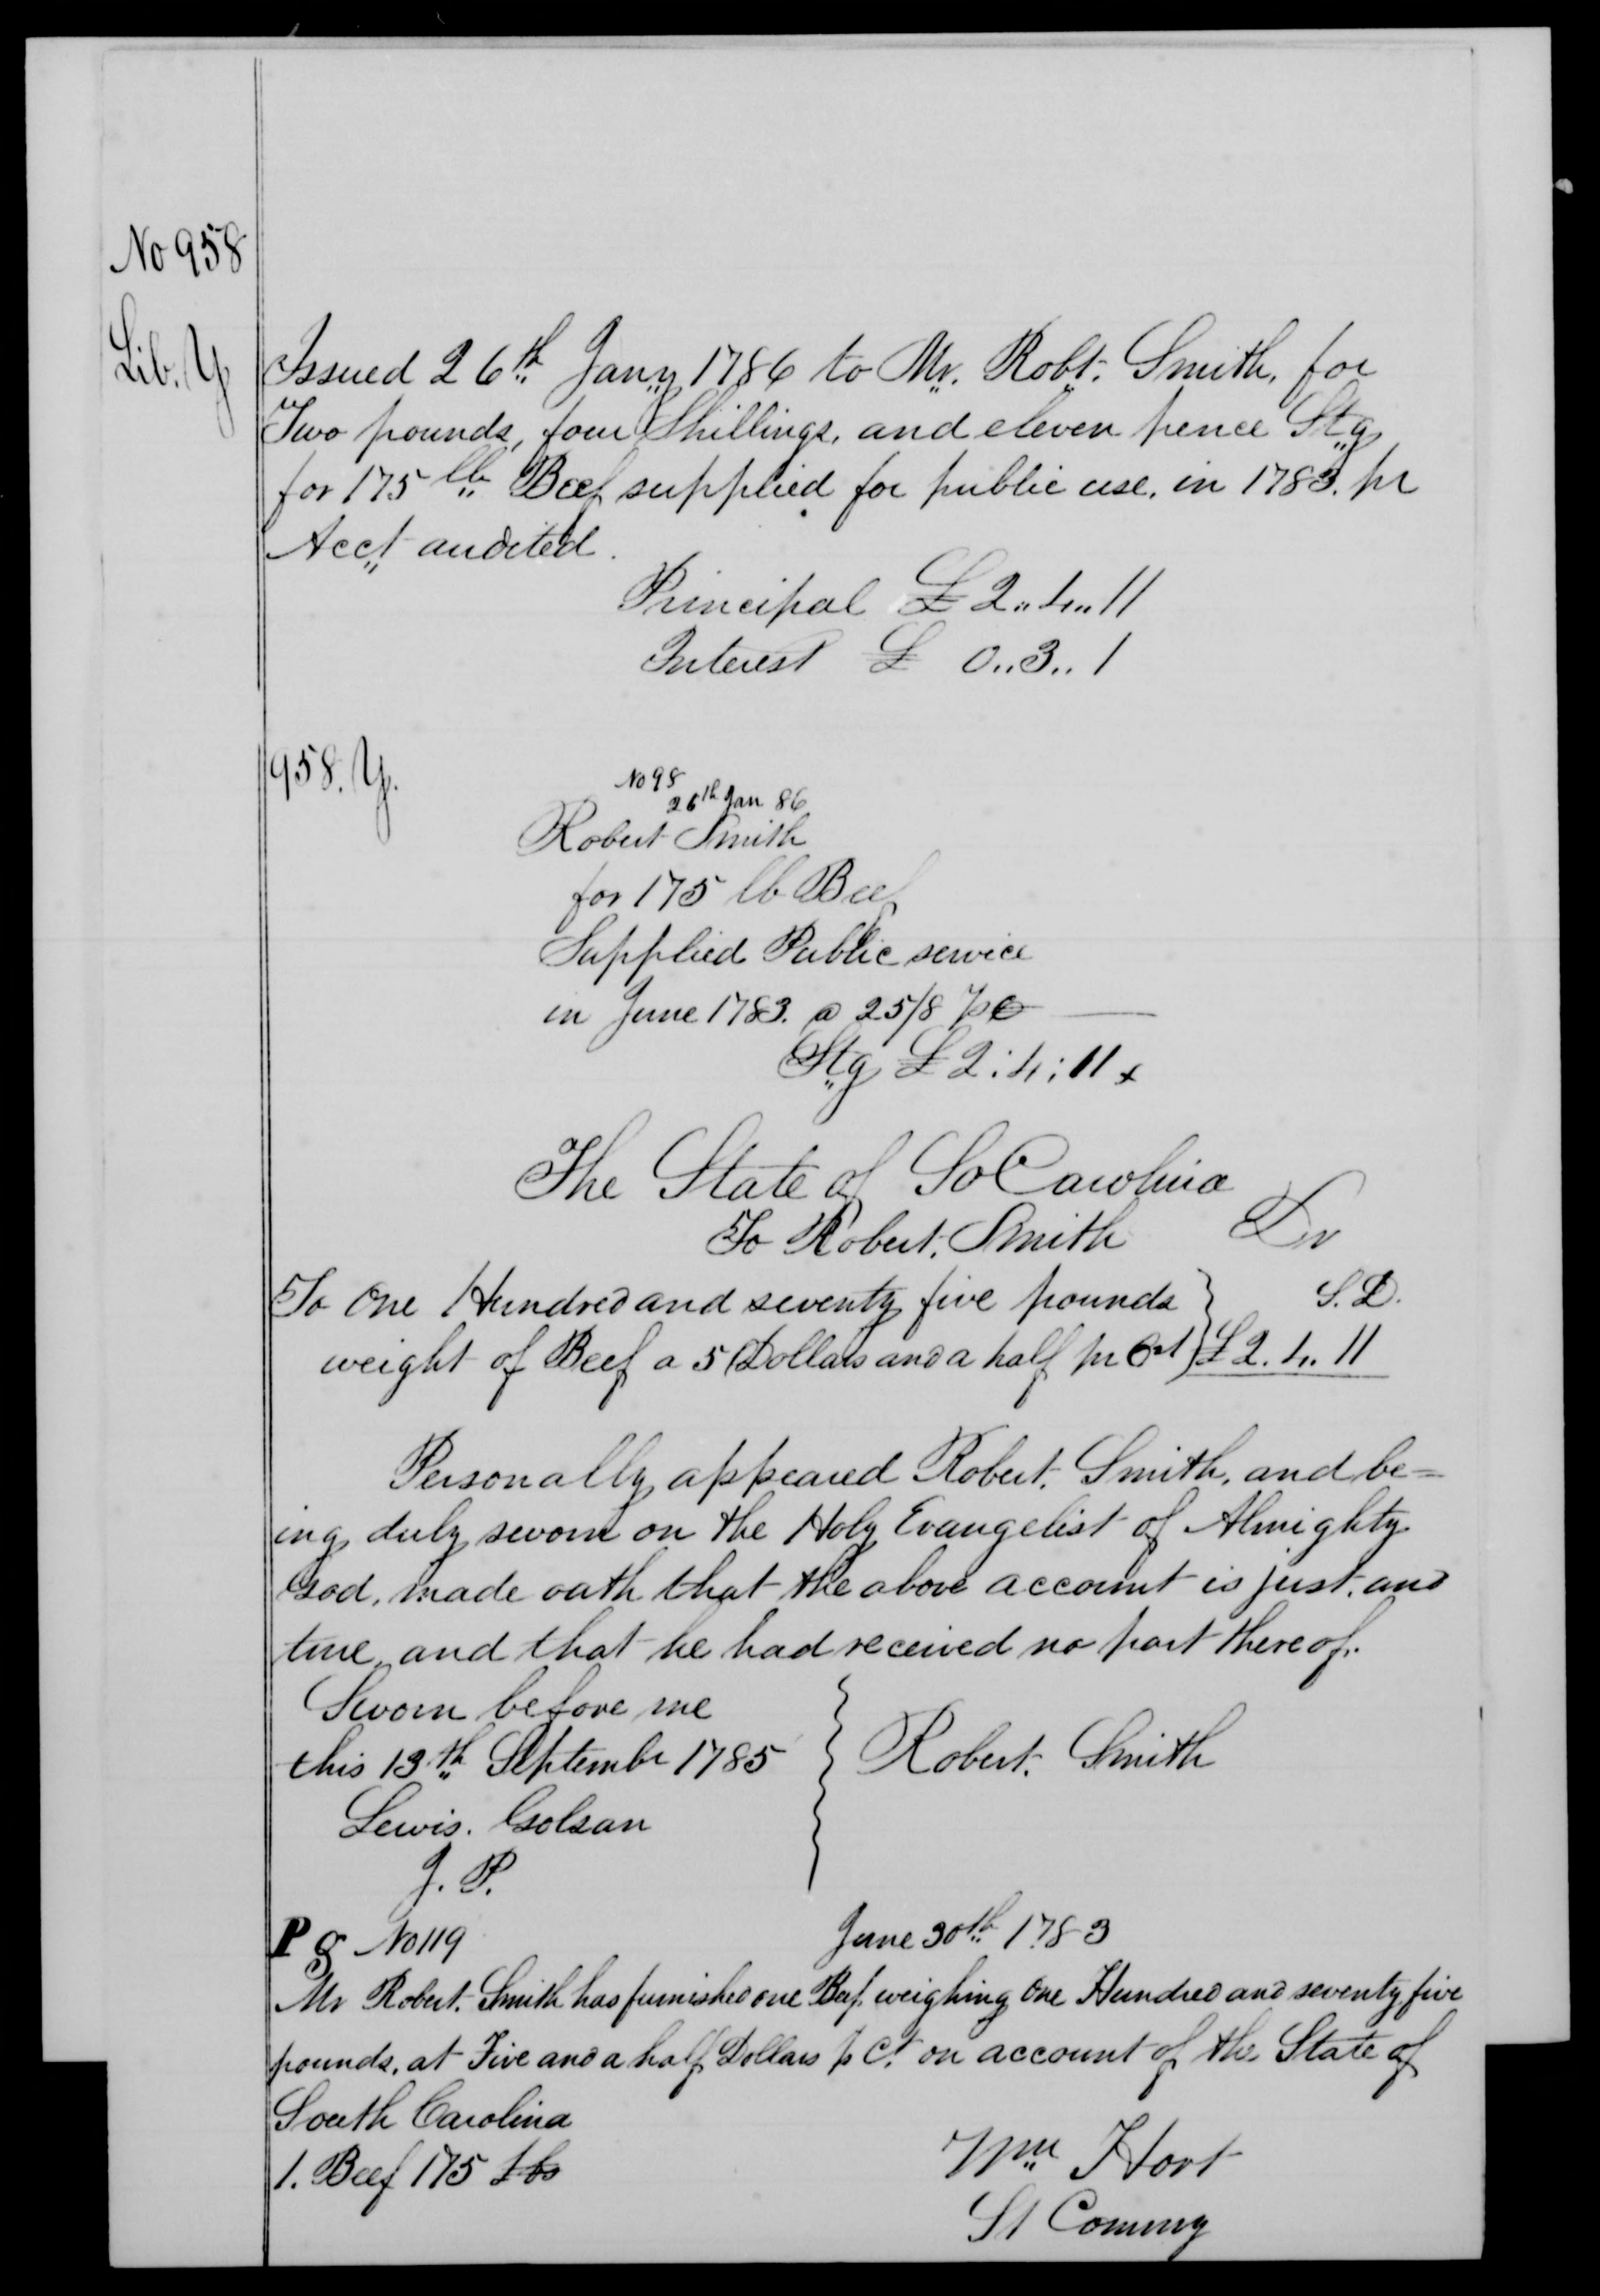No. 958
Lib. Y
Issued 26th Jany 1786 to Mr. Robt Smith for two pounds, four shillings and eleven pence St'g for 175 lb Beef supplied for public use in 1785. the account audited
Principal L2.4.11
Interest L0.3.1

958Y
No. 98
Issued Jan 86 to R ne 1783@ 25/8 pe
Stg L2.4.11

The State of So Carolina
To Robert Smith  [illegible]
To one hundred and seventy five pounds weight of beef at 5 (dollars and a half [illegible]) L2.4.11

Personally appeared Robert Smith and being duly sworn on the Holy Evangelist of Almighty God made  oath that the above account is just and true, and that he had received no part thereof.
Robert Smith
Sworn before me this 13th September 1785
Lewis Golsan JP

PS  No 119  June 30th 1783
Mr. Robert Smith has furnished one beef weighing one hundred and seventy five pounds at five and a half dollars to [illegible] on account of the State of South Carolina.
1. Beef 175 lbs
Wm. Hort,
[illegible]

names: Robert Smith; Robert Smith; Robert Smith; Wm Hort; Lewis Golsan; Robert Smith; Robt Smith; Robert Smith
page: 22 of 28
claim: rejected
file: R. 9744, for Robert Smith, South Carolina